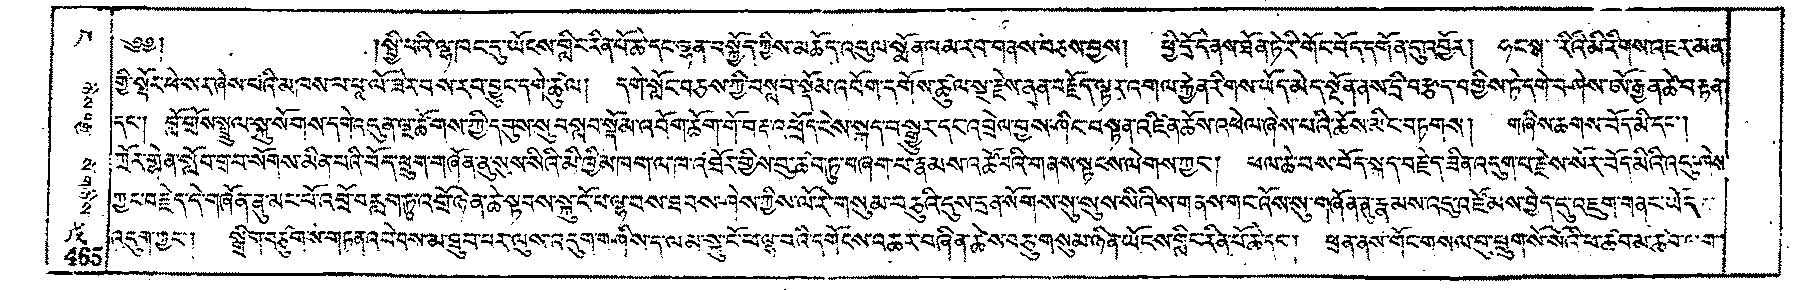༄༅། །སྤྱི་པའི་ལྷ་ཁང་དུ་ཡོངས་གླིང་རིན་པོ་ཆེ་དང་ལྷན་བསྐྱོད་ཀྱིས་མཆོད་འབུལ་སྨོན་ལམ་རབ་གནས་བཅས་བྱས། ཕྱི་དྲོ་དེ་ནས་ཐོན་ཏེ་རི་གོང་བོད་དགོན་དུ་འབྱོར། ཧང་སྒ་རིའི་མི་རིགས་འཇར་མན་
གྱི་སྤོར་ཕེ་སར་ཞེས་པའི་མཁས་པ་ཕཱ་ལོ་ཟེར་བས་རབ་བྱུང་དགེ་ཚུལ། དགེ་སློང་བཅས་ཀྱི་བསླབ་སྡོམ་འབོག་དགོས་ཚུལ་སྔ་རྗེས་ནན་བརྗོད་ལྟར་འགལ་རྐྱེན་རིགས་ཡོད་མེད་སྔོན་ནས་དྲི་བརྩད་བགྱིས་ཏེ་དགེ་བཤེས་ཨོ་རྒྱན་ཚེ་བརྟན་
དང་། བློ་གྲོས་སྤྲུལ་སྐུ་སོགས་དགེ་འདུན་ལྔ་ཚོགས་ཀྱི་དབུས་སུ་བསླབ་སྡོམ་འབོག་ཆོག་གོ་བརྡ་འཕྲོད་ངེས་སྐད་བསྒྱུར་དང་འབྲེལ་བྱས་ཤིང་བསྟན་འཛིན་ཆོས་འཕེལ་ཞེས་པའི་ཆོས་མིང་བཏགས། གཞིས་ཆགས་བོད་མི་དང་།
ཀྲོར་གྷེན་སློབ་གྲ་བ་སོགས་མིན་པའི་བོད་ཕྲུག་གཞོན་ནུ་སུས་སིའི་མི་ཁྱིམ་ཁག་ལ་ཁ་འཐོར་གྱིས་བུ་ཚབ་ཏུ་བཞག་པ་རྣམས་འཚོ་བའི་གནས་སྟངས་ལེགས་ཀྱང་། ཕལ་ཆེ་བས་བོད་སྐད་བརྗེད་ཟིན་འདུག་པ་རྗེས་སོར་བོད་མིའི་འདུ་ཤེས་
ཀྱང་བརྗེད་དེ་གཞོན་ནུ་མང་པོ་འཕྲོ་བརླག་ཏུ་འགྲོ་ཉེན་ཆེ་སྟབས་སྐུ་ངོ་ཕ་ལྷ་བས་ཐབས་ཤེས་ཀྱིས་ལོ་རེ་གསུམ་བཅུའི་དུས་དྲན་སོགས་སུ་སུས་སིའི་ས་གནས་གང་འོས་སུ་གཞོན་ནུ་རྣམས་འདུ་འཛོམས་བྱེད་དུ་འཇུག་གནང་ཡོད་
འདུག་ཀྱང་། སྒྲིག་བཙུགས་གཏན་འབེབས་མ་ཐུབ་པར་ལུས་འདུག་གཤིས་ད་ལམ་སྐུ་ངོ་ཕ་ལྷ་བའི་དགོངས་འཆར་བཞིན་ཚེས་བཅུ་གསུམ་ཉིན་ཡོངས་གླིང་རིན་པོ་ཆེ་དང་། ཕྲན་ནས་གོང་གསལ་བུ་ཕྲུག་སོ་སོའི་ཕ་ཚབ་མ་ཚབ་ལག་